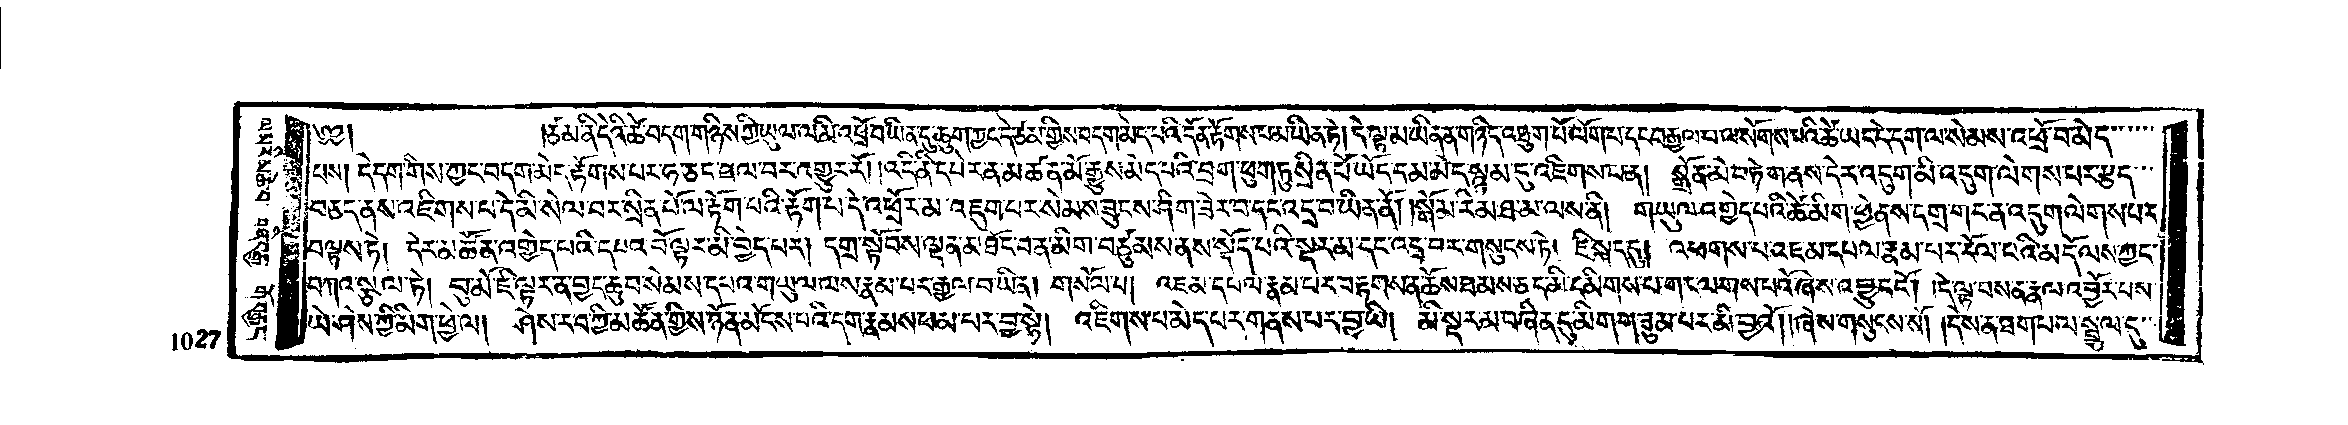༄༅། །ཙམ་ནི་དེའི་ཚེ་བདག་གཉིས་ཀྱི་ཡུལ་ལ་མི་འཕྲོ་བ་ཡིན་དུ་ཆུག་ཀྱང་དེ་ཙམ་གྱིས་བདག་མེད་པའི་དོན་རྟོགས་པ་མ་ཡིན་ཏེ། དེ་ལྟ་མ་ཡིན་ན་གཉིད་འཐུག་པོ་ལོག་པ་དང་བརྒྱལ་བ་ལ་སོགས་པའི་ཚེ་ཡང་དེ་དག་ལ་སེམས་འཕྲོ་བ་མེད་
པས༑ དེ་དག་གིས་ཀྱང་བདག་མེད་རྟོགས་པར་ཧ་ཅང་ཐལ་བར་འགྱུར་རོ། །འདི་ནི་དཔེར་ན་མཚན་མོ་རྒྱུས་མེད་པའི་བྲག་ཕུག་ཏུ་སྲིན་པོ་ཡོད་དམ་མེད་སྙམ་དུ་འཇིགས་པ་ན། སྒྲོན་མེ་བཏེག་ནས་དེར་འདུག་མི་འདུག་ལེགས་པར་རྩད་
བཅད་ནས་འཇིགས་པ་དེ་མི་སེལ་བར་སྲིན་པོ་ལ་རྟོག་པའི་རྟོག་པ་དེ་འཕྲོར་མ་འཇུག་པར་སེམས་ཟུངས་ཤིག་ཟེར་བ་དང་འདྲ་བ་ཡིན་ནོ། །སྒོམ་རིམ་ཐ་མ་ལས་ནི། གཡུལ་འགྱེད་པའི་ཚེ་མིག་ཕྱེ་ནས་དགྲ་གང་ན་འདུག་ལེགས་པར་
བལྟས་ཏེ། དེར་མཚོན་འགྱེད་པའི་དཔའ་བོ་ལྟར་མི་བྱེད་པར། དགྲ་སྟོབས་ལྡན་མཐོང་བ་ན་མིག་བཙུམས་ནས་སྡོད་པའི་སྡར་མ་དང་འདྲ་པར་གསུངས་ཏེ། ཇི་སྐད་དུ། འཕགས་པ་འཇམ་དཔལ་རྣམ་པར་རོལ་པའི་མདོ་ལས་ཀྱང་
བཀའ་སྩལ་ཏེ། བུ་མོ་ཇི་ལྟར་ན་བྱང་ཆུབ་སེམས་དཔའ་གཡུལ་ལས་རྣམ་པར་རྒྱལ་བ་ཡིན། གསོལ་པ། འཇམ་དཔལ་རྣམ་པར་བརྟགས་ན་ཆོས་ཐམས་ཅད་མི་དམིགས་པ་གང་ལགས་པའོ་ཞེས་འབྱུང་ངོ། །དེ་ལྟ་བས་ན་རྣལ་འབྱོར་པས་
ཡེ་ཤེས་ཀྱི་མིག་ཕྱེ་ལ། ཤེས་རབ་ཀྱི་མཚོན་གྱིས་ཉོན་མོངས་པའི་དགྲ་རྣམས་ཕམ་པར་བྱ་སྟེ། འཇིགས་པ་མེད་པར་གནས་པར་བྱ་ཡི། མི་སྡར་མ་བཞིན་དུ་མིག་གཟུམ་པར་མི་བྱའོ། །ཞེས་གསུངས་སོ། །དེས་ན་ཐག་པ་ལ་སྦྲུལ་དུ་